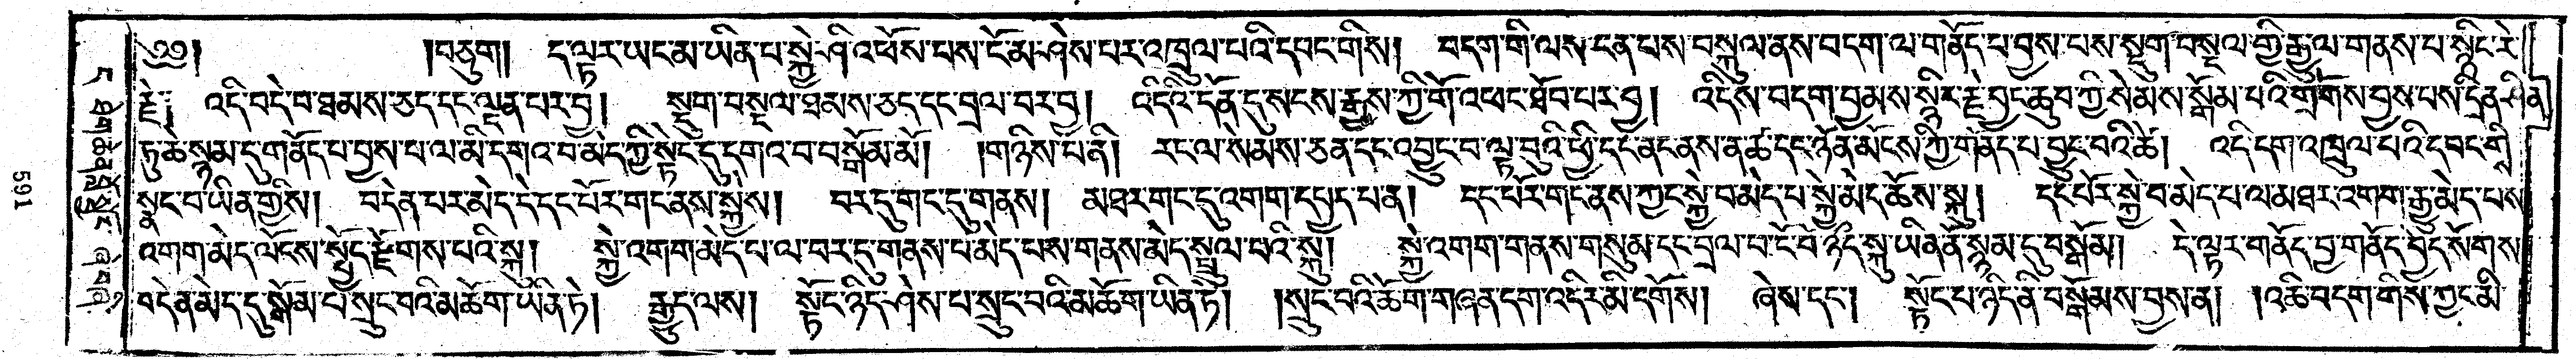༄༅། །བཅུག། ད་ལྟར་ཡང་མ་ཡིན་པ་སྐྱེ་ཤི་འཕོས་པས་ངོ་མ་ཤེས་པར་འཁྲུལ་པའི་དབང་གིས། བདག་གི་ལས་ངན་པས་བསྐུལ་ནས་བདག་ལ་གནོད་པ་བྱས་པས་སྡུག་བསྔལ་གྱི་རྒྱུ་ལ་གནས་པ་སྙིང་རེ་
རྗེ༑ འདི་བདེ་བ་ཐམས་ཅད་དང་ལྡན་པར་བྱ། སྡུག་བསྔལ་ཐམས་ཅད་དང་བྲལ་བར་བྱ། འདིའི་དོན་དུ་སངས་རྒྱས་ཀྱི་གོ་འཕང་ཐོབ་པར་བྱ། འདིས་བདག་བྱམས་སྙིང་རྗེ་བྱང་ཆུབ་ཀྱི་སེམས་སྒོམ་པའི་གྲོགས་བྱས་པས་དྲིན་ཤིན་
ཏུ་ཆེ་སྙམ་དུ་གནོད་པ་བྱས་པ་ལ་མི་དགའ་བ་མེད་ཀྱི་སྟེང་དུ་དགའ་བ་བསྒོམ་མོ། །གཉིས་པ་ནི། རང་ལ་སེམས་ཅན་དང་འབྱུང་བ་ལྟ་བུའི་ཕྱི་དང་ནང་ནས་ན་ཚ་དང་ཉོན་མོངས་ཀྱི་གནོད་པ་བྱུང་བའི་ཚེ། འདི་དག་འཁྲུལ་པའི་དབང་གིས་
སྣང་བ་ཡིན་གྱིས། བདེན་པར་མེད་དེ་དང་པོར་གང་ནས་སྐྱེས། བར་དུ་གང་དུ་གནས། མཐར་གང་དུ་འགག་དཔྱད་པ་ན། དང་པོར་གང་ནས་ཀྱང་སྐྱེ་བ་མེད་པ་སྐྱེ་མེད་ཆོས་སྐུ། དང་པོར་སྐྱེ་བ་མེད་པ་ལ་མཐར་འགག་རྒྱུ་མེད་པས་
འགག་མེད་ལོངས་སྤྱོད་རྫོགས་པའི་སྐུ། སྐྱེ་འགག་མེད་པ་ལ་བར་དུ་གནས་པ་མེད་པས་གནས་མེད་སྤྲུལ་པའི་སྐུ། སྐྱེ་འགག་གནས་གསུམ་དང་བྲལ་བ་ངོ་བོ་ཉིད་སྐུ་ཡིན་ནོ་སྙམ་དུ་བསྒོམ། དེ་ལྟར་གནོད་བྱ་གནོད་བྱེད་སོགས་
བདེན་མེད་དུ་སྒོམ་པ་སྲུང་བའི་མཆོག་ཡིན་ཏེ། རྒྱུད་ལས། སྟོང་ཉིད་ཤེས་པ་སྲུང་བའི་མཆོག་ཡིན་ཏེ། །སྲུང་བའི་ཆོ་ག་གཞན་དག་འདིར་མི་དགོས། ཞེས་དང་། སྟོང་པ་ཉིད་ནི་བསྒོམས་བྱས་ན། །འཆི་བདག་གིས་ཀྱང་མི་